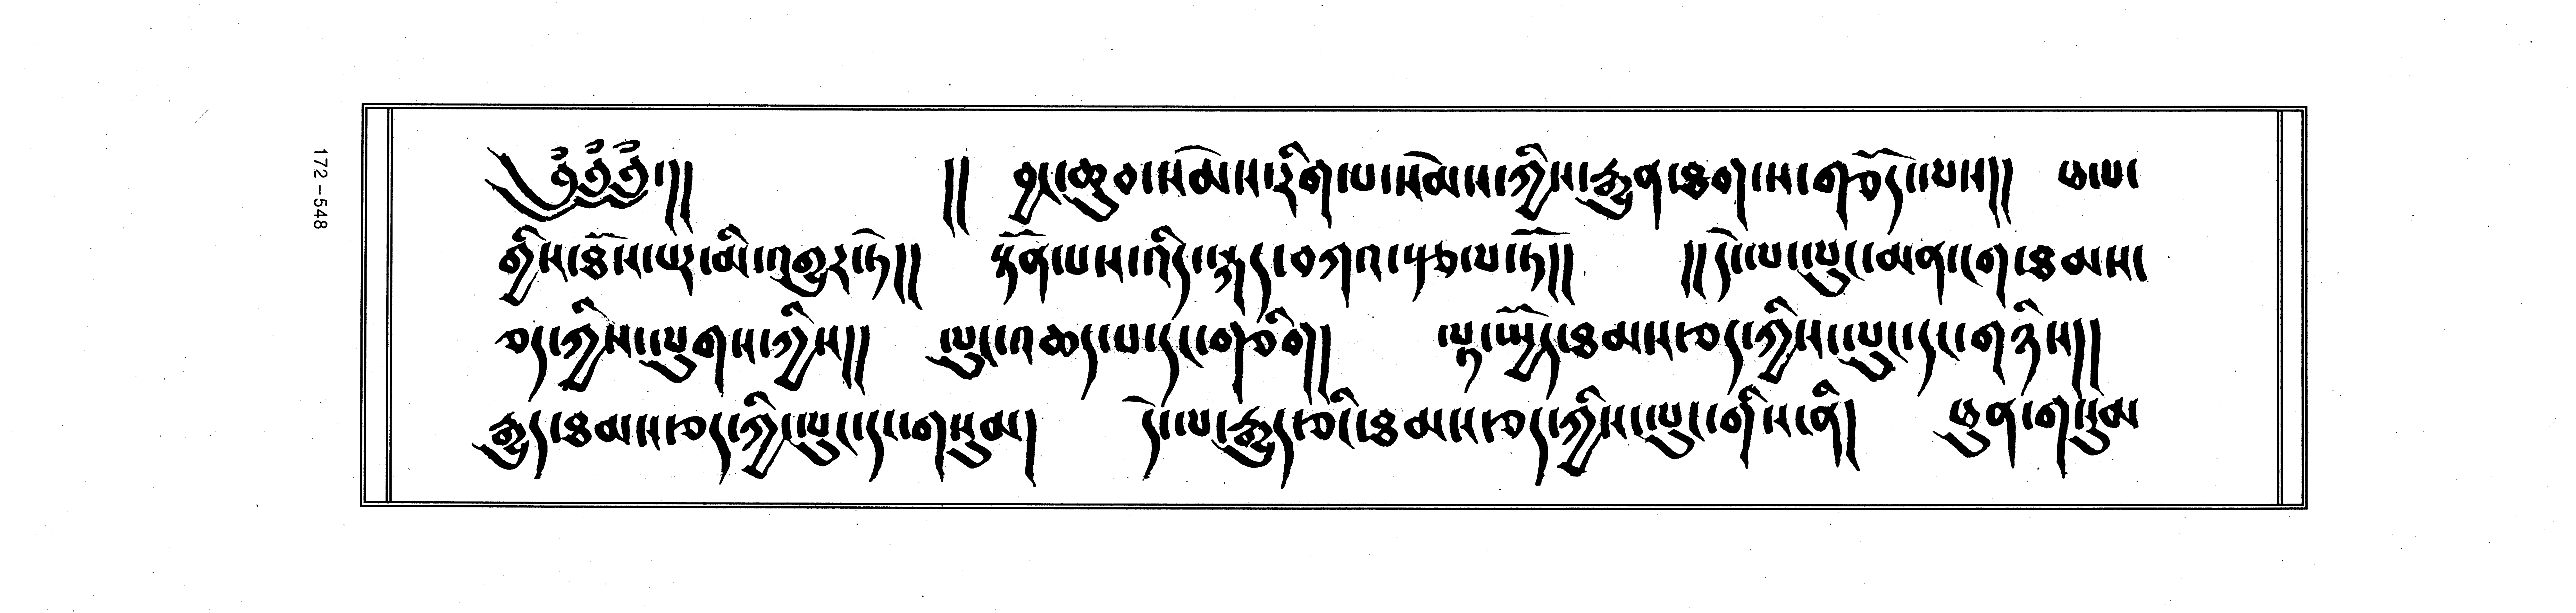༄༅༅།། །།བྱང་ཆུབ་སེམས་རིག་པ་སེམས་ཀྱིས་རྒྱུན་ཐག་ས་གཅོད་ལས། ཕལ་
གྱིས་ཐོས་པར་མི་འགྱུར་ཏེ། སྟོན་པས་འདི་སྐད་བཀའ་སྩལ་ཏོ། དེ་ལ་ལུང་མན་ངག་ཐམས་
ཅད་ཀྱིས་ལུགས་ཀྱིས། ལུང་འཆད་པ་དང་གཅིག ལྟ་སྤྱོད་ཐམས་ཅད་ཀྱིས་ལུང་དང་གཉིས། 
རྒྱུད་ཐམས་ཅད་ཀྱི་ལུང་དང་གསུམ། དེ་ལ་རྒྱུད་ཅིང་ཐམས་ཅད་ཀྱིས་ལུང་གིས་ནི། ཕུན་སུམ་